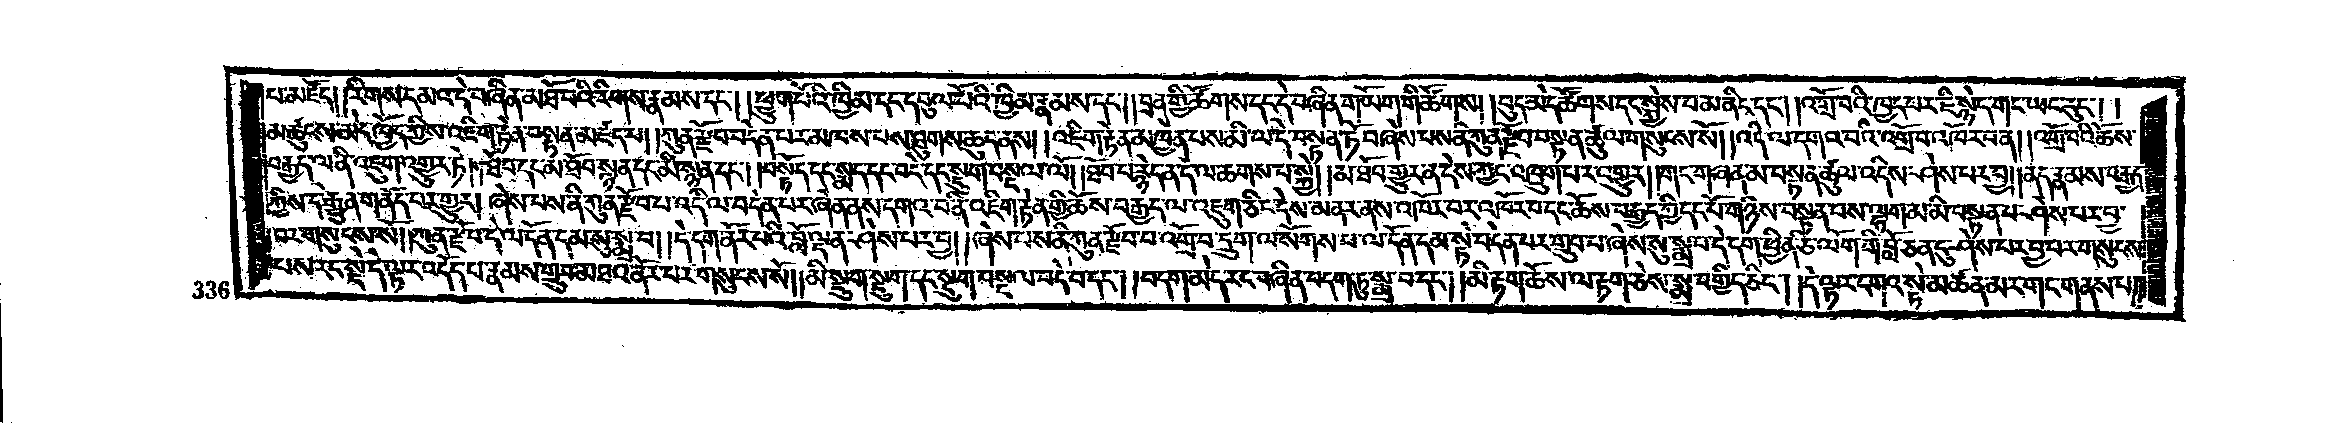པ་མཛད། །རིགས་དམའ་དེ་བཞིན་མཐོ་བའི་རིགས་རྣམས་དང་། །ཕྱུག་པོའི་ཁྱིམ་དང་དབུལ་པོའི་ཁྱིམ་རྣམས་དང་། །བྲན་གྱི་ཚོགས་དང་དེ་བཞིན་གཡོག་གི་ཚོགས། །བུད་མེད་ཚོགས་དང་སྐྱེས་པ་མ་ནིང་དང་། །འགྲོ་བའི་ཁྱད་པར་ཇི་སྙེད་གང་ཡང་རུང་། །
མཚུངས་མེད་ཁྱོད་ཀྱིས་འཇིག་རྟེན་བསྟན་མཛད་པ། །ཀུན་རྫོབ་བདེན་པར་མཁས་པས་ཐུགས་ཆུད་ནས། །འཇིག་རྟེན་མཁྱེན་པས་མི་ལ་དེ་བསྟན་ཏོ་བཞེས་པས་ནི་ཀུན་རྫོབ་བསྟན་ཚུལ་གསུངས་སོ། །འདི་ལ་དགའ་བའི་འགྲོ་བ་འཁོར་བ་ན། །འགྲོ་བའི་ཆོས་
བརྒྱད་ལ་ནི་འཇུག་འགྱུར་ཏེ། །ཐོབ་དང་མ་ཐོབ་སྙན་དང་མི་སྙན་དང་། །བསྟོད་དང་སྨད་དང་བདེ་དང་སྡུག་བསྔལ་ལོ། །ཐོབ་པ་རྙེད་ན་དེ་ལ་ཆགས་པ་སྐྱེ། །མ་ཐོབ་གྱུར་ན་དེས་ཀྱང་འཁྲུག་པར་འགྱུར། །གང་གཞན་མ་བསྟན་ཚུལ་འདིས་ཤེས་པར་བྱ། །ནད་རྣམས་བརྒྱད་
ཀྱིས་དེ་རྒྱུན་གནོད་པར་གྱུར། ཞེས་པས་ནི་ཀུན་རྫོབ་པ་འདི་ལ་བདེན་པར་ཞེན་ནས་དགའ་བ་ནི་འཇིག་རྟེན་གྱི་ཆོས་བརྒྱད་ལ་འཇུག་ཅིང་དེས་མནར་ནས་འཁོར་བར་འཁོར་བ་དང་ཆོས་བརྒྱད་ཀྱི་དང་པོ་གཉིས་བསྟན་པས་ལྷག་མ་མི་བསྟན་པ་ཤེས་པར་བྱ་
བར་གསུངས་སོ། །ཀུན་རྫོབ་དེ་ལ་དོན་དམ་སུ་སྨྲ་བ། །དེ་དག་ནོར་པའི་བློ་ལྡན་ཤེས་པར་བྱ། །ཞེས་པས་ནི་ཀུན་རྫོབ་པ་འགྲོ་བ་དྲུག་ལ་སོགས་པ་ལ་དོན་དམ་སྟེ་བདེན་པར་གྲུབ་པ་ཞེས་སུ་སྨྲ་བ་དེ་དག་ཕྱིན་ཅི་ལོག་གི་བློ་ཅན་དུ་ཤེས་པར་བྱ་བར་གསུངས་
པས་རང་སྡེ་དེ་ལྟར་འདོད་པ་རྣམས་གྲུབ་མཐའ་ནོར་པར་གསུངས་སོ། །མི་སྡུག་སྡུག་དང་སྡུག་བསྔལ་བདེ་བ་དང་། །བདག་མེད་རང་བཞིན་བདག་ཏུ་སྨྲ་བ་དང་། །མི་རྟག་ཆོས་ལ་རྟག་ཅེས་སྨྲ་བགྱིད་ཅིང་། །དེ་ལྟར་དགའ་སྟེ་མཚན་མར་གང་གནས་པ། །